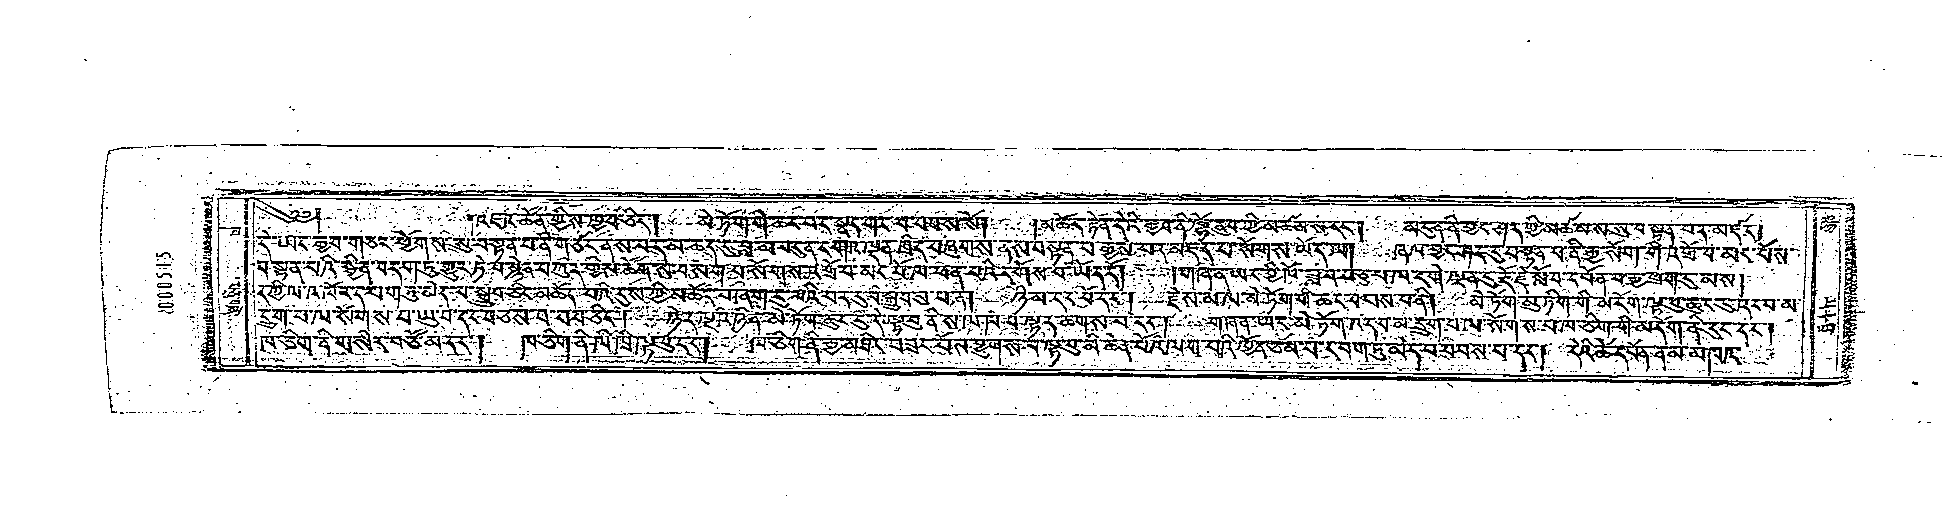༄༅། །འཇའ་ཚོན་གྱིས་ཁྱབ་ཅིང་། མེ་ཏོག་གི་ཆར་བར་སྣད་གང་བ་བབས་སོ། །མཆོད་རྟེན་དེའི་རྒྱབ་ནི་ལྷོ་ནུབ་ཀྱི་མཚམས་དང་། མདུན་ནི་བྱང་ཤར་གྱི་མཚམས་སུ་བསྟན་པར་མཛད།
དེ་ཡང་རྒྱབ་གཙང་ཕྱོགས་སུ་བསྟན་པ་ནི་གཙང་ནས་བར་མ་ཆད་དུ་བླ་མ་བདུན་དགའ་ལྡན་ཁྲིད་བཞུགས་ནས་བསྟན་པ་རྒྱས་པར་མཛད་པ་སོགས་ཡོད་ལ། ཞལ་བྱང་ཤར་དུ་བསྟན་པ་ནི་རྒྱ་སོག་གི་འགྲོ་བ་མང་པོས་
བསྟན་པའི་སྦྱིན་བདག་ཏུ་གྱུར་ཏེ་བསྙེན་བཀུར་གྱིས་ཚོགས་བསག་པ་སོགས་འགྲོ་བ་མང་པོ་ལ་ཕན་པའི་དགོས་པ་ཡོད་དོ། །གཞན་ཡང་བྱི་ལོ་ཟླ་བ་བཅུ་པ་ལ་དགེ་ལྡན་དུ་རྡོ་རྗེ་སློབ་དཔོན་བ་རྒྱ་ཕྲག་དུ་མས།
དཀྱིལ་འཁོར་དཔག་ཏུ་མེད་པ་སྒྲུབ་ཅིང་མཆོད་པའི་དུས་ཀྱི་མཆོད་བ་ཞག་དུ་མའི་བར་དུ་བསྒྲུབས་པ་ན། ཉི་མ་དང་པོ་དང་། རྗེས་མ་ལ་མེ་ཏོག་གི་ཆར་བབས་པ་ནི། མེ་ཏོག་མུ་ཏིག་གི་མདོག་ལྟ་བུ་ཆུང་དུ་འདབ་མ་
དྲུག་པ་ལ་སོགས་པ་ཡུ་བ་དང་བཅས་པ་བབ་ཅིང་། ཉེར་ལྔའི་ཉིན་མེ་ཏོག་ཆུང་དུ་དེ་ལྟ་བུ་ནི་ས་ལ་ཁ་བ་ལྟར་ཆགས་པ་དང་། གཞན་ཡང་མེ་ཏོག་འདབ་མ་དྲུག་པ་ལ་སོགས་པ་ཁ་ཅིག་གི་མདོག་ནི་དུབ་དང་།
ཁ་ཅིག་ནི་གསེར་བཙོ་མ་དང་། ཁ་ཅིག་ནི་ལི་ཁྲི་ལྟ་བུ་དང་། ཁ་ཅིག་ནི་རྒྱ་མཐིང་བཟང་པོས་བྱུགས་པ་ལྟ་བུ་མི་ཆེན་པོའི་ལག་པའི་ཁྱོན་ཙམ་པ་དཔག་ཏུ་མེད་པ་བབས་པ་དང་། དེའི་ཚེ་དཔོན་ནམ་མཁའ་